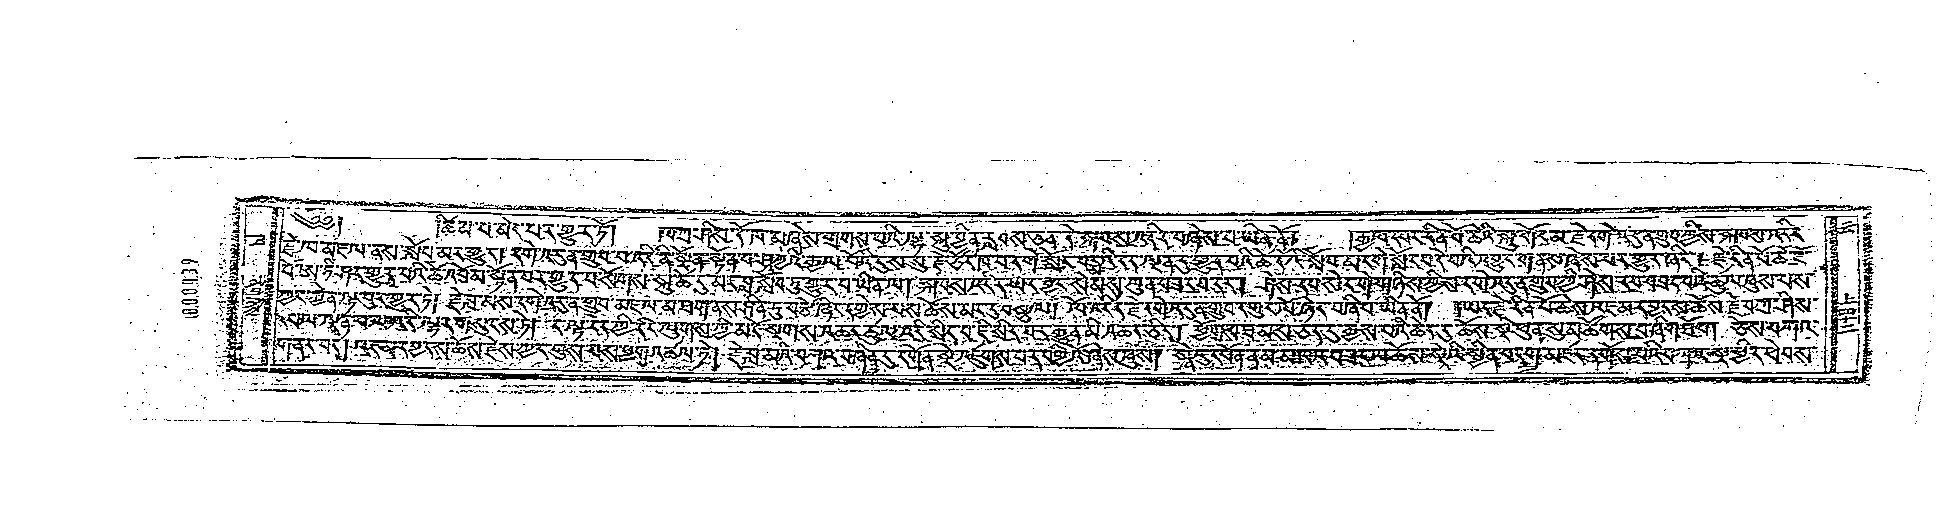༄༅། །ཚིམ་པ་མེད་པར་གྱུར་ཏོ། །བཀྲ་ཤིས་དོ་ཁ་མྮེས་གྲགས་པའི་ལྷ་སྐུ་བྱིན་རླབས་ཅན་དེ་སྐབས་འདིར་བཞེས་པ་ཡིན་ནོ། །རྒྱལ་དབང་རིན་པོ་ཆེའི་སྐུ་གོང་མ་རྗེ་དགེ་འདུན་གྲུབ་ཀྱིས་སྐབས་འདིར་
རྗེ་ཁ་མཇལ་ནས་སློབ་མར་གྱུར། དགེ་འདུན་གྲུབ་པ་འདི་ནི་སྔོན་སྟོན་པ་ཤཱཀྱའི་རྒྱལ་པོའི་དུས་སུ་རྗེ་ཙོང་ཁ་པ་དགེ་སློང་པདམོའི་དད་ལྡན་དུ་གྱུར་པའི་ཚེ་དེའི་སློབ་མ་དགེ་སློང་བདེ་བའི་འབྱུང་གནས་ཞེས་པར་གྱུར་ཞིང་། རྗེ་རིན་པོ་ཆེ་ཇོ་
བོ་ཨ་ཏི་ཤར་གྱུར་པའི་ཚེ་འབྲོམ་སྟོན་པར་གྱུར་པ་སོགས་སྐུ་ཚེ་དུ་མར་བླ་སློབ་ཏུ་གྱུར་བ་ཡིན་ལ། སྐབས་འདིར་ཡང་བྱང་སེམས་ཀུན་བཟང་བ་དང་། ཤེས་རབ་སེང་གེ་གཉིས་ཀྱིས་དགེ་འདུན་གྲུབ་ཀྱི་ཤེས་རབ་བཟང་བའི་ཚུལ་ཞུས་པས་
ཀྱང་ཀྱེན་ལྟ་བུར་གྱུར་ཏེ། རྗེ་བླ་མས་དགེ་འདུན་གྲུབ་མཇལ་མ་ཐག་ནས་ཤིན་ཏུ་བརྩེ་ཞིང་དགྱེས་པས་ཆོས་མང་དུ་བསྩལ། ལོ་འདིར་རྗེ་དགེ་འདུན་གྲུབ་དགུང་ལོ་ཉེར་བཞི་པ་ཡིན་ནོ། །ཡང་རྗེ་རིན་པོ་ཆེས་འཇམ་དབྱངས་ཆོས་རྗེ་བཀྲ་ཤིས་
དཔལ་ལྡན་པ་ལ་འདི་ལྟར་གསུངས་ཏེ། ད་ལྟ་ངེད་ཀྱི་རིང་ལུགས་ཀྱི་མདོ་སྔགས་འཆང་ཚུལ་འདི་སྲིད་པ་ཇི་སྲིད་བར་རྒྱུན་མི་འཆད་ཅིང་། ཕྱོགས་ཐམས་ཅད་དུ་རྒྱས་པའི་ཆེད་དུ་ཆོས་སྡེ་ཕུན་སུམ་ཚོགས་པ་ཞིག་ཐོབ། ཅེས་བཀའ་
གནང་བར། འཇམ་དབྱངས་ཆོས་རྗེས་ཀྱང་གུས་པས་ཕྱག་འཚལ་ཏེ། རྗེ་བླ་མའི་བཀའ་བཞིན་དུ་དགོན་སྡེ་འཛུགས་པར་བགྱིའོ་ཞེས་ཞུས། སྣེའུ་དཔོན་ནམ་མཁའ་བཟང་ལ་ཆོས་སྡེའི་སྦྱིན་བདག་མཛད་དགོས་པའི་བཀའ་སྔ་ཕྱིར་ཕེབས་